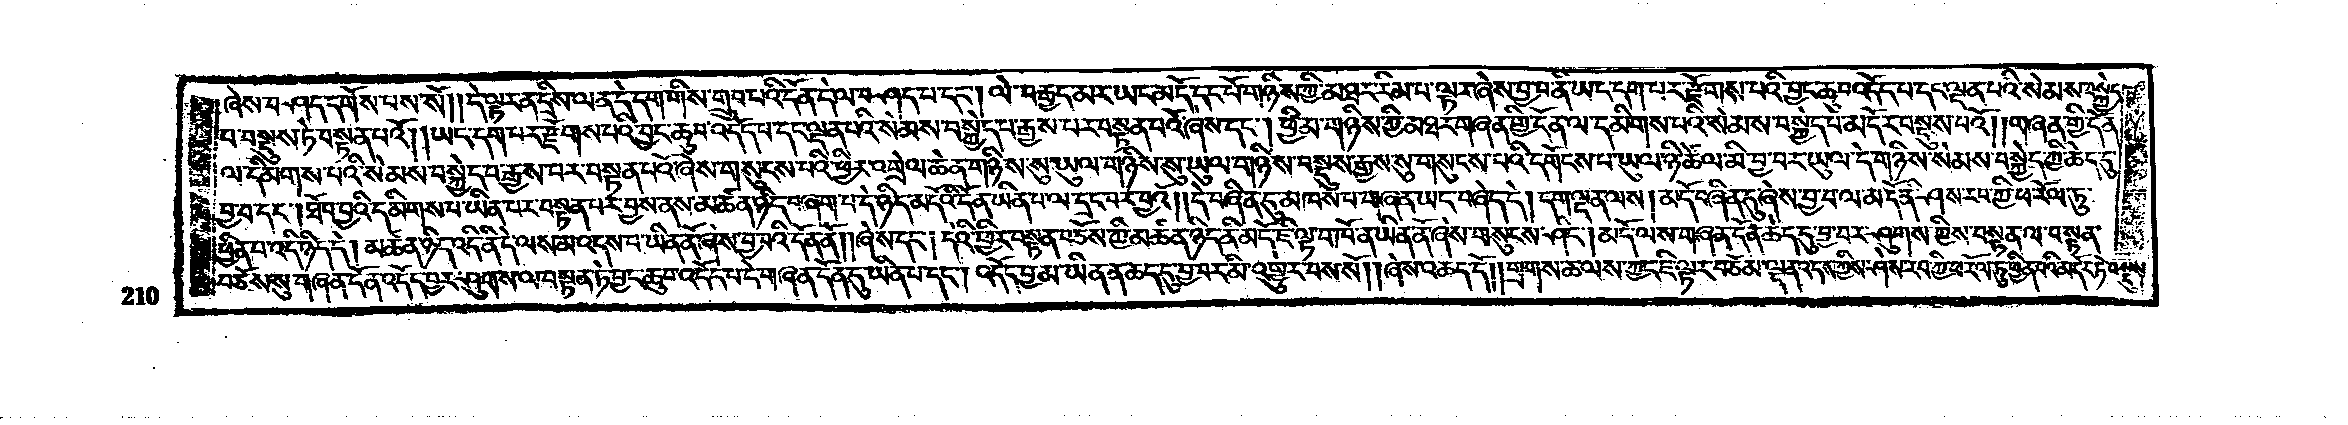ཞེས་བཤད་གོས་པས་སོ། །དེ་ལྟར་ན་དྲིས་ལན་དེ་དག་གིས་གྲུབ་པའི་དོན་དེ་ལ་བཤད་པ་དང་། ལེ་བརྒྱད་མར་ཡང་མདོ་དང་པོ་གཉིས་ཀྱི་མཐར་རིམ་པ་ལྟར་ཞེས་བྱ་བ་ནི་ཡང་དག་པར་རྫོགས་པའི་བྱང་ཆུབ་འདོད་པ་དང་ལྡན་པའི་སེམས་བསྐྱེད་
པ་བསྡུས་ཏེ་བསྟན་པའོ། །ཡང་དག་པར་རྫོགས་པའི་བྱང་ཆུབ་འདོད་པ་དང་ལྡན་པའི་སེམས་བསྐྱེད་པ་རྒྱས་པར་བསྟན་པའོ་ཞེས་དང་། ཕྱི་མ་གཉིས་ཀྱི་མཐར་གཞན་གྱི་དོན་ལ་དམིགས་པའི་སེམས་བསྐྱེད་པ་མདོར་བསྡུས་པའོ། །གཞན་གྱི་དོན་
ལ་དམིགས་པའི་སེམས་བསྐྱེད་པ་རྒྱས་པར་བསྟན་པའོ་ཞེས་གསུངས་པའི་ཕྱིར་འགྲེལ་ཆེན་གཉིས་སུ་ཡུལ་གཉིས་སུ་ཡུལ་གཉིས་བསྡུས་རྒྱས་སུ་གསུངས་པའི་དགོངས་པ་ཡུལ་ཉི་ཚེལ་མི་བྱ་བར་ཡུལ་དེ་གཉིས་སེམས་བསྐྱེད་ཀྱི་ཆེད་དུ་
བྱ་བ་དང་། ཐོབ་བྱའི་དམིགས་པ་ཡིན་པར་བསྟན་པར་བྱས་ནས་མཚན་ཉིད་བཞག་པ་དེ་ཉིད་མདོའི་དོན་ཡིན་པ་ལ་དྲང་བར་བྱའོ། །དེ་བཞིན་དུ་མཁས་པ་གཞན་ཡང་བཞེད་དེ། དག་ལྡན་ལས། མདོ་བཞིན་དུ་ཞེས་བྱ་བ་ལ་མདོ་ནི་ཤེས་རབ་ཀྱི་ཕ་རོལ་ཏུ་
ཕྱིན་པ་འདི་ཉིད་དེ། མཚན་ཉིད་འདི་ནི་དེ་ལས་མ་འདས་པ་ཡིན་ནོ་ཞེས་བྱ་བའི་དོན་ནོ། །ཞེས་དང་། དེའི་ཕྱིར་བསྟན་བཅོས་ཀྱི་མཚན་ཉིད་ནི་མདོ་ཇི་ལྟ་བ་ཁོ་ན་ཡིན་ནོ་ཞེས་གསུངས་ཤིང་། མདོ་ལས་གཞན་དོན་ཆེད་དུ་བྱ་བར་ཤུགས་ཀྱིས་བསྟན་ལ་བསྟན་
བཅོས་སུ་གཞན་དོན་འདོད་བྱར་ཤུགས་ལ་བསྟན་ཏེ་བྱང་ཆུབ་འདོད་པ་དེ་གཞན་དོན་དུ་ཡིན་པ་དང་། འདོད་བྱ་མ་ཡིན་ན་ཆད་དུ་བྱ་བར་མི་འགྱུར་བས་སོ། །ཞེས་འཆད་དོ། །གྲགས་ཆ་ལས་ཀྱང་ཇི་ལྟར་བཅོམ་ལྡན་འདས་ཀྱིས་ཤེས་རབ་ཀྱི་ཕ་རོལ་ཏུ་ཕྱིན་པའི་མདོར་ཏེ་བསྡུས་